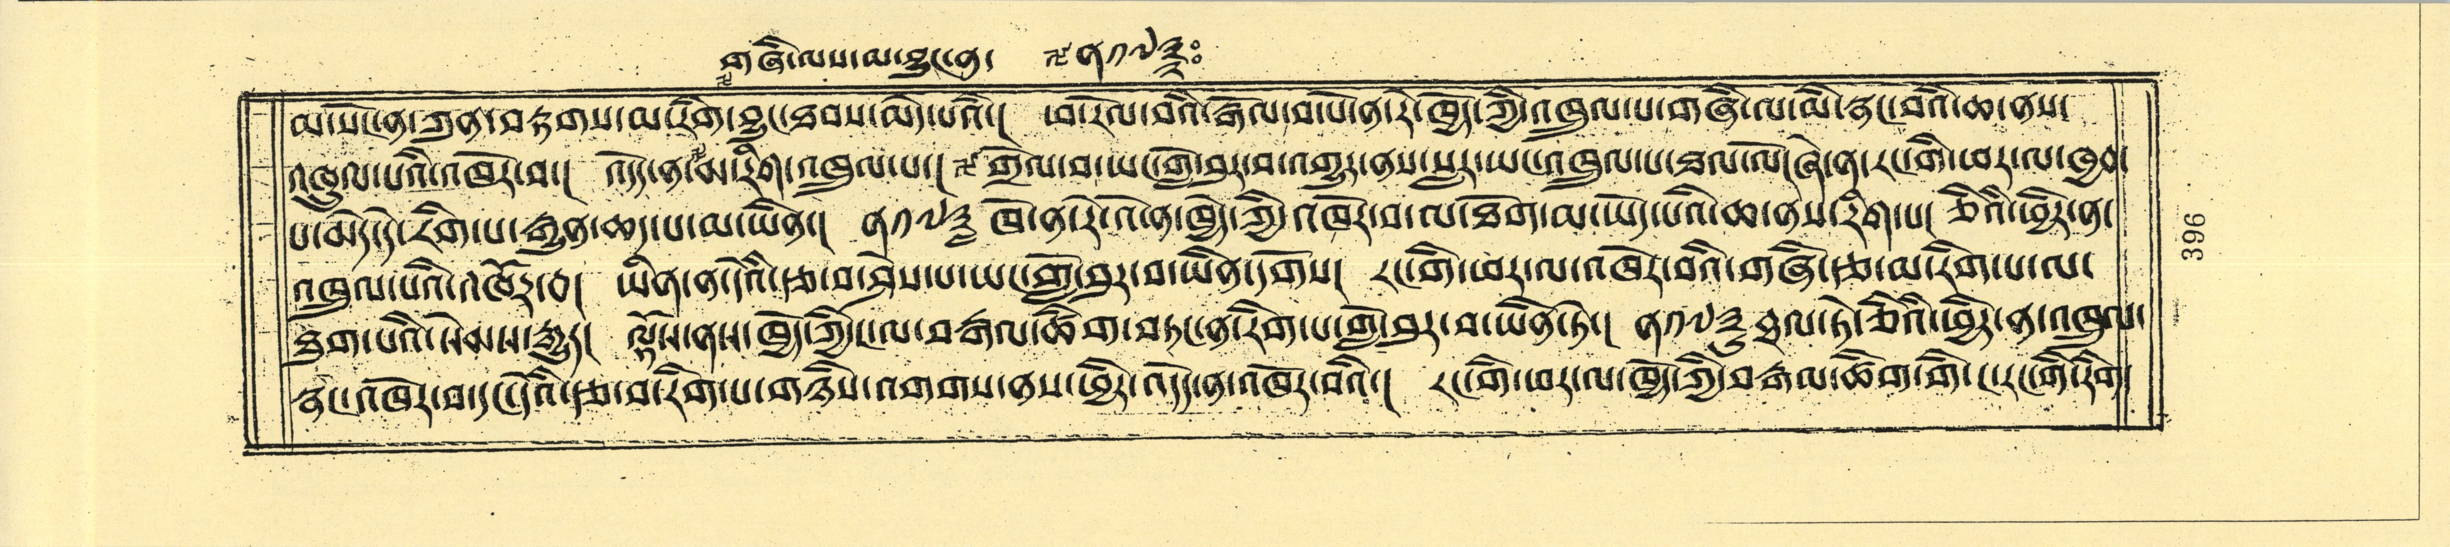མ་སོང་ན་ཀུན་བརྟགས་མ་རིག་བྱུང་ཐབས་མེད་པའི། ཕ་རོལ་བའི་རྒོལ་བ་པོ་ན་རེ་ཁྱོད་ཀྱི་འཁྲུལ་པ་གཞི་ལ་མི་སྣང་བའི་ཆ་ནས་ 
འཁྲུལ་པའི་འཁོར་བ། འདོད་ན་གཞི་ལས་མ་བྱུང་ན་ ༼མ་རིག་༽འཁྲུལ་པ། ན༡༧༣།༢ གྲོལ་བ་ཡང་གློ་བུར་བ་འགྱུར་ནས་སླར་ཡང་འཁྲུལ་པ་ཐལ་ལོ། ཞེ་ན་རང་གི་ཕར་ལ་ཁྱབ་
པ་མེད་དེ་༽རིག་པ་རྒྱུན་ཆད་པ་མ་ཡིན། ན༡༧༣།༤ ཁོ་ན་རེ་འོ་ན་ཁྱེད་ཀྱི་འཁོར་བ་ལ་ཐོག་མ་ཡོད་པའི་ཆ་ནས་ ༼རིག་པ།༽ཅིའི་ཕྱིར་ན་
འཁྲུལ་པའི་ ༼འཁོར་བ།༽ཡིན་ན་དེའི་རྩ་བ་ཤེས་པ་ཡང་གློ་བུར་བ་ཡིན་དགོས། རང་གི་ཕར་ལ་འཁོར་བའི་གཞི་རྩ་མ་རིག་པ་ལ་
ཐུག་པའི་ ༼སེམས་རྒྱུད།༽ ༼ལྟོས་ནས་༽ཁྱོད་ཀྱི་ང་ལ་བརྒལ་ཚིག་བཏང་ན་རིག་པ་གློ་བུར་བ་ཡིན་ཏེ། ན༡༧༣།༦ ༼ཐལ་༽ཏེ་ཅིའི་ཕྱིར་ན་འཁྲུལ་
སྣང་འཁོར་བ་དང་དེའི་རྩ་བ་རིག་པ་གཉིས་འགགས་ནས་ཕྱིར་འདོད་ན་འཁོར་བའི། རང་གི་ཕར་ལ་ཁྱོད་ཀྱི་བརྒལ་ཚིག་གི་ང་རང་གི་རིག་